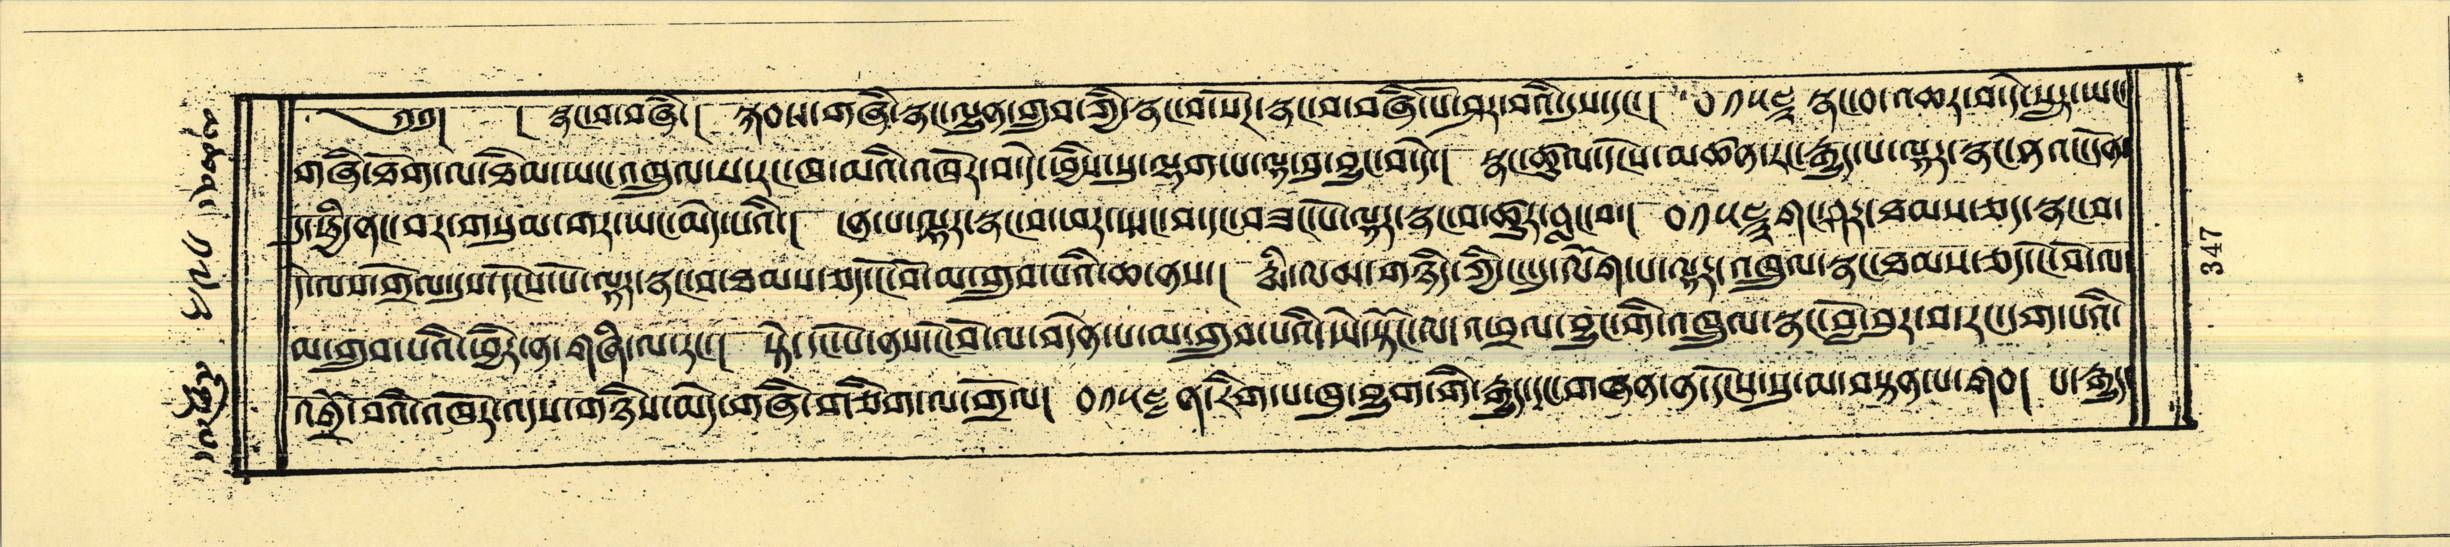སྣང་བ་བཞི། ༼སྐབས་༽གཞི་སྣང་ལྷུན་གྲུབ་ཀྱི་སྣང་བ་སོགས་སྣང་བ་བཞི་པོ་ཤར་བའི་དུས་དང། བ༡༥༤།༢ ༼སྣང་བ་༽འཆར་བ་དེ་སླར་ཡང་
གཞི་ཐོག་ལ་ཐིམ་ཡང་འཁྲུལ་ས་རང་ཁ་མའི་འཁོར་བ་དེ་ཕྱིས་སུ་ལྷག་པ་ལྟ་བུ་བྱུང་བ་དེ། སྣང་ཚུལ་དངོས་མཚན་རང་རྒྱུད་པ་ལྟར་སྣང་ནའང་དོན་
དུ་ ༼ཕྱི་ནང་༽བར་གསུམ་གར་ཡང་མེད་པའི། ངན་པ་ལྟར་སྣང་བ་ཕར་སྤང་བ་དང་བཟང་པོ་ལྟར་སྣང་བ་ཚུར་ ༼བླང་༽བ། བ༡༥༤།༣ ༼གང་ཤར་༽ཐམས་ཅད་སྣང་བ་
དེ་ལས་གྲོལ་དུས་དངོས་པོ་ལྟར་སྣང་བ་ཐམས་ཅད་ངོ་བོ་མ་གྲུབ་པའི་ཆ་ནས། ༼རྨི་ལམ་༽གཉིད་ཀྱི་ངང་དུ་ ༼ལོག་པ་ལྟར་༽འཁྲུལ་སྣང་ཐམས་ཅད་ངོ་བོ་ལ་
མ་གྲུབ་པའི་ཕྱིར་ན་ ༼གཞི་༽ལ་རང། ༼སྟེ་༽དང་པོ་ནས་ངོ་བོ་ལ་བདེན་པ་མ་གྲུབ་པའི་ ༼ཡེ་སྟོང་ལ་༽འཕྲལ་བྱུང་གི་འཁྲུལ་སྣང་བློ་བུར་བ་རང་དག་པའི་ 
༼འགྲོ་༽བའི་འཁོར་འདས་གཉིས་མེད་གཞི་གཅིག་ལ་གྲོལ། བ༡༥༤།༤ ༼ན་༽རིག་པ་ཁུ་བྱུག་གི་རྒྱུད་དང་གཞན་ན་དངོས་སུ་མ་བསྟན་པ་ ༼གབ།༽ ༼པ་༽རྒྱུད་